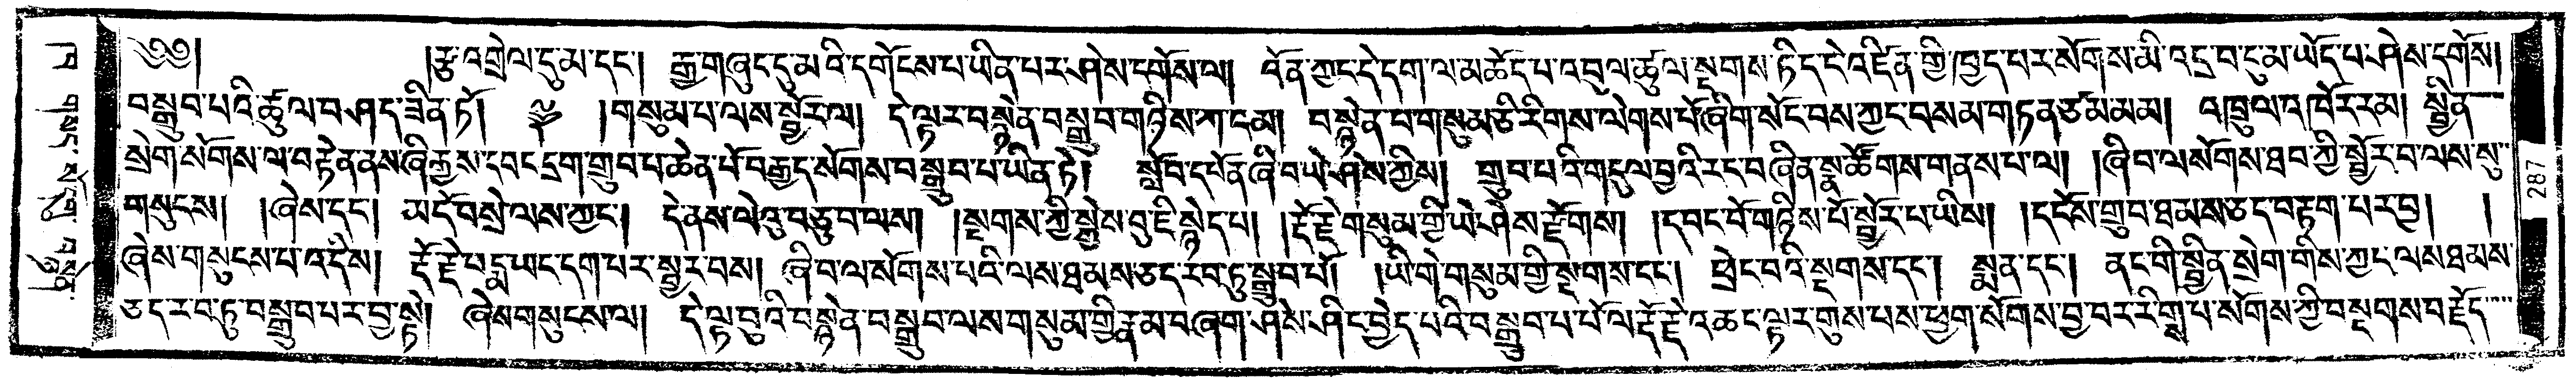༄༅། །རྩ་འགྲེལ་དུ་མ་དང་། རྒྱ་གཞུང་དུ་མའི་དགོངས་པ་ཡིན་པར་ཤེས་དགོས་ལ། འོན་ཀྱང་དེ་དག་ལ་མཆོད་པ་འབུལ་ཚུལ་སྔགས་ཏིང་ངེ་འཛིན་གྱི་ཁྱད་པར་སོགས་མི་འདྲ་བ་དུ་མ་ཡོད་པ་ཤེས་དགོས།
བསྒྲུབ་པའི་ཚུལ་བཤད་ཟིན་ཏོ། ༈ །གསུམ་པ་ལས་སྦྱོར་ལ། དེ་ལྟར་བསྙེན་བསྒྲུབ་གཉིས་ཀ་འམ། བསྙེན་པ་གསུམ་ཅི་རིགས་ལེགས་པོ་ཞིག་སོང་བས་ཀྱང་བསམ་གཏན་ཙམ་མམ། འཁྲུལ་འཁོར་རམ། སྦྱིན་
སྲེག་སོགས་ལ་བརྟེན་ནས་ཞི་རྒྱས་དབང་དྲག་གྲུབ་པ་ཆེན་པོ་བརྒྱད་སོགས་བསྒྲུབ་པ་ཡིན་ཏེ། སློབ་དཔོན་ཞི་བ་ཡེ་ཤེས་ཀྱིས། གྲུབ་པའི་གདུལ་བྱའི་རང་བཞིན་སྣ་ཚོགས་གནས་པ་ལ། །ཞི་བ་ལ་སོགས་ཐབ་ཀྱི་སྦྱོར་བ་ལས་སུ་
གསུངས། །ཞེས་དང་། མདོ་བསྲེ་ལས་ཀྱང་། དེ་ནས་ལེའུ་བཅུ་པ་ལས། །སྔགས་ཀྱི་སྐྱེས་བུ་ཇི་སྙེད་པ། །རྡོ་རྗེ་གསུམ་གྱི་ཡེ་ཤེས་རྫོགས། །དབང་པོ་གཉིས་པོ་སྦྱོར་པ་ཡིས། །དངོས་གྲུབ་ཐམས་ཅད་བརྟག་པར་བྱ། །
ཞེས་གསུངས་པ་འདིས། རྡོ་རྗེ་པདམ་ཡང་དག་པར་སྦྱར་བས། ཞི་བ་ལ་སོགས་པའི་ལས་ཐམས་ཅད་རབ་ཏུ་སྒྲུབ་པོ། །ཡི་གེ་གསུམ་གྱི་སྔགས་དང་། ཕྲེང་བའི་སྔགས་དང་། སྨན་དང་། ནང་གི་སྦྱིན་སྲེག་གིས་ཀྱང་ལས་ཐམས་
ཅད་རབ་ཏུ་བསྒྲུབ་པར་བྱ་སྟེ། ཞེས་གསུངས་ལ། དེ་ལྟ་བུའི་བསྙེན་བསྒྲུབ་ལས་གསུམ་གྱི་རྣམ་བཞག་ཤེས་ཤིང་བྱེད་པའི་བསྒྲུབ་པ་པོ་ལ་རྡོ་རྗེ་འཆང་ལྟར་གུས་པས་ཕྱག་སོགས་བྱ་བར་རིགས་པ་སོགས་ཀྱི་བསྔགས་བརྗོད་